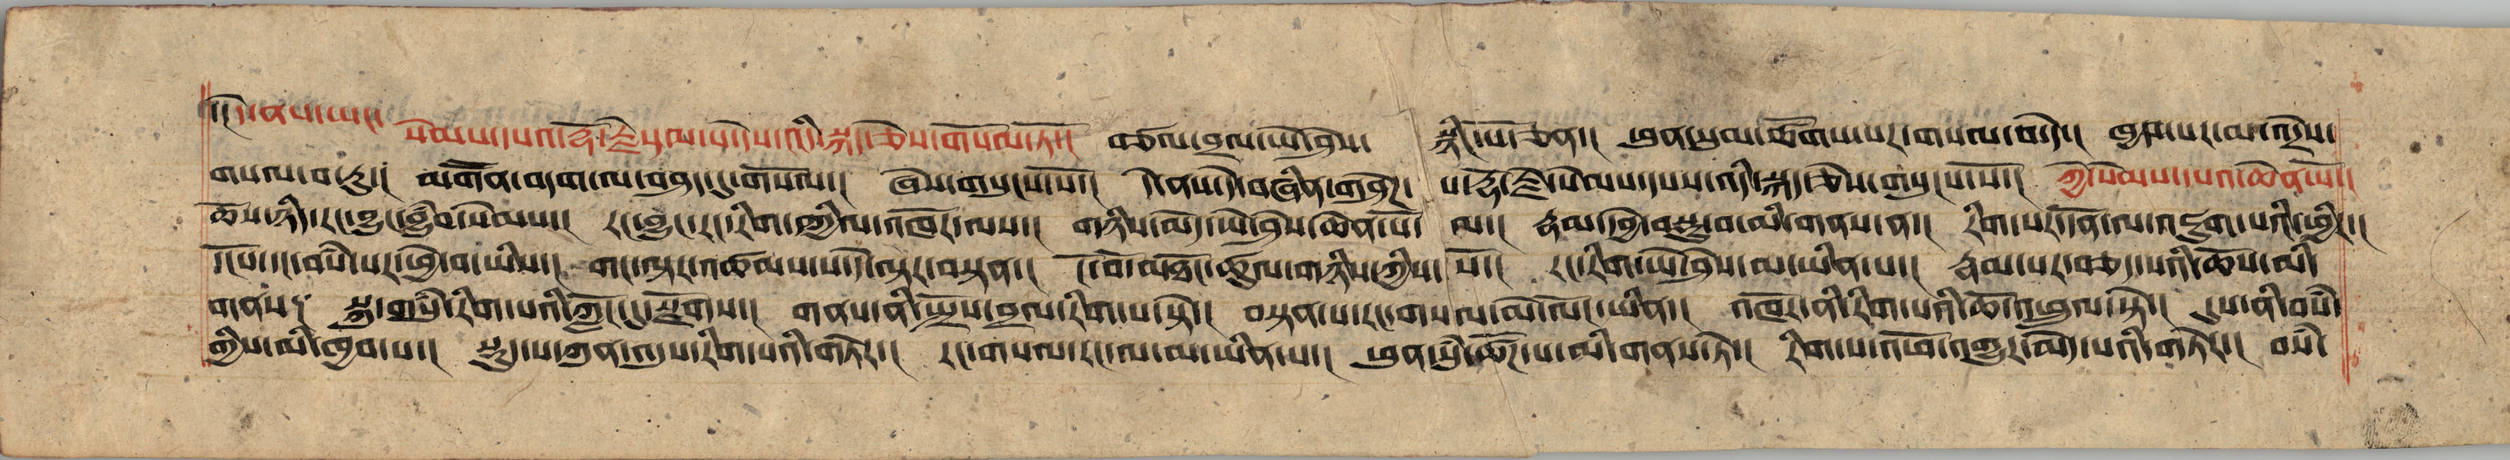་།དེ་ནས་ཡང་སེམས་དཔའ་རྡོ་རྗེས་ལ་དེས་འདི་སྐད་ཅེས་གསོལ་ཏོ་། བཙལ་བྲལ་ཡེ་ཤེས་ སྙིང་པོ་ཅན་། ཕུན་སུམ་ཚོགས་པར་གསལ་མེད་། ཁྱད་པར་མ་འདྲེས་
གསལ་བ་རུ་། མགོནོ་བདག་ལ་བཤད་དུ་གསོལ་། ཞེས་གསུངས་སོ་། དེ་ནས་དེ་བཞིན་གཤེཌ་ པ་རྡོ་རྗེ་སེམས་དཔས་འདི་སྐད་ཅེས་གསུངས་སོ་། ཀྱེ་སེམས་དཔའ་ཆེན་པོ་།
ཆོས་ཉིད་རང་བྱུང་བྱུཾབ་སེམས་། རང་བྱུང་རང་རིག་དཀྱིལ་འཁོར་ལས་། གཉིས་མེད་ཡེ་ཤེས་ཆེན་པོ་ ལ་། རྣམ་དབྱེ་བསྡུ་བ་མི་གནས་ན་། རིག་པར་དོན་ལ་འཇུག་པའི་ཕྱིར་།
དངོས་དང་བསཾ་པར་ཕྱེ་བ་ཡིས་། གང་ལྟར་འཚམས་པ་དེ་ལྟར་བསྟན་། ངོ་བོ་མཐོང་ཚུལ་གཉིས་ཀྱིས་སོ་། རང་རིག་ཡེ་ཤེས་མ་ཡིན་པ་། རྣམ་པར་བཅད་པའི་ཆོས་མི་
གནས༑ སྐུ་གསུཾ་རིག་པའི་ཀློང་དུ་སྫོགས་། གནས་ནི་སྤྲོས་བྲལ་རིག་པ་སྟེ་། བསྟན་པ་རང་གསལ་མེ་ལོང་ཡིན་། འཁོར་ནི་རིག་པའི་ཆོ་འཕྲུལ་སྟེ་། དུས་ནི་བསཾ་
གྱིས་མི་ཁྱབ་པ་། སྡུད་པ་ཀུན་འདུས་རིག་པའི་གཏེར་། རང་གསལ་རང་ལ་མ་ཡིན་པ་། ཕུན་སུཾ་ཚོཌ་པ་མི་གནས་ཏེ་། རིག་པ་འཕོ་འགྱུར་མེད་པའི་གཏེར་། བསཾ་